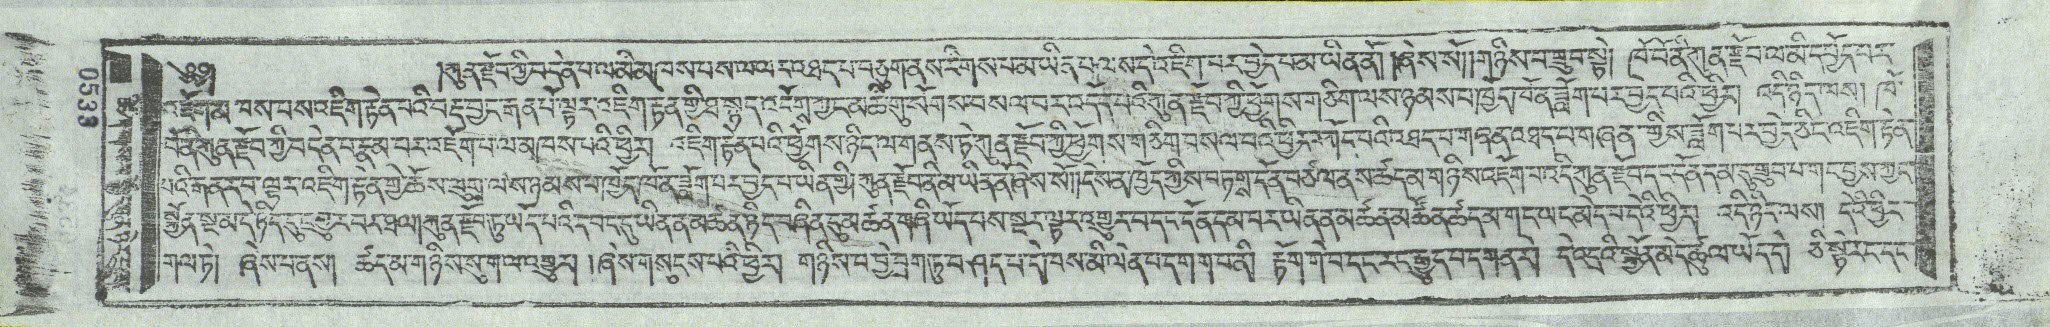༄༅། །ཀུན་རྫོབ་ཀྱི་བདེན་པ་ལ་མི་མཁས་པས་ལ་ལར་འཐད་པ་བཅུག་ནས་རིགས་པ་མ་ཡིན་པ་ལས་དེ་འཇིག་པར་བྱེད་པ་མ་ཡིན་ནོ། །ཞེས་སོ། །གཉིས་པ་གྲུབ་སྟེ། ཁོ་བོ་ནི་ཀུན་རྫོབ་ལ་མི་དཔྱོད་པར་
འཇོག་མ་བས་པས་འཇིག་རྟེན་པའི་བརྡ་བྱང་རྒན་པོ་ལྟར་འཇིག་རྟེན་གྱི་ཐ་སྙད་འདོགས་ཀྱང་མཆི་གུ་སོགས་བསལ་བར་འདོད་པའི་ཀུན་རྫོབ་ཀྱི་ཕྱོགས་གཅིག་ལས་ཉམས་པ་ཁྱོད་ཁོ་ན་ཟློག་པར་བྱེད་པའི་ཕྱིར། འདི་ཉིད་ལས། ཁོ་
བོ་ནི་ཀུན་རྫོབ་ཀྱི་བདེན་པ་རྣམ་པར་འཇོག་པ་ལ་མཁས་པའི་ཕྱིར། འཇིག་རྟེན་པའི་ཕྱོགས་ཉིད་ལ་གནས་ཏེ་ཀུན་རྫོབ་ཀྱི་ཕྱོགས་གཅིག་བསལ་བའི་ཕྱིར་བཀོད་པའི་འཐད་པ་གཞན་འཐད་པ་གཞན་གྱིས་ཟློག་པར་བྱེད་ཅིང་འཇིག་རྟེན་
པའི་རྒན་རབ་ལྟར་འཇིག་རྟེན་གྱི་ཆོས་ལུགས་ལས་ཉམས་པ་ཁྱོད་ཁོ་ན་ཟློག་པར་བྱེད་པ་ཡིན་གྱི། ཀུན་རྫོབ་ནི་མ་ཡིན་ནོ་ཞེས་སོ། །དེས་ན་ཁྱོད་ཀྱིས་བཏགས་དོན་བཙལ་ནས་ཚད་མ་གཉིས་འཇོག་པ་འདི་ཀུན་རྫོབ་དང་དོན་དམ་དུ་གྲུབ་པ་གང་བྱས་ཀྱང་
སྐྱོན་སྔ་མ་དེ་ཉིད་དུ་འགྱུར་བར་ཐལ། ཀུན་རྫོབ་ཏུ་ཡོད་པའི་དབང་དུ་ཡིན་ན་མཚན་ཉིད་བཞིན་དུ་མཚན་གཞི་ཡོད་པས་སྔར་ལྟར་འགྱུར་བ་དང་དོན་དམ་པར་ཡིན་ན་མཚན་མཚོན་ཚད་མ་གང་ཡང་མེད་པ་དེའི་ཕྱིར། འདི་ཉིད་ལས། དེའི་ཕྱིར་
གལ་ཏེ། ཞེས་པ་ནས། ཚད་མ་གཉིས་སུ་ག་ལ་འགྱུར། །ཞེས་གསུངས་པའི་ཕྱིར། གཉིས་པ་བྱེ་བྲག་ཏུ་བཤད་པ་དེ་ཁས་མི་ལེན་པ་དགག་པ་ནི། རྟོག་གེ་བ་དང་རང་རྒྱུད་པ་དག་ན་རེ། དེ་འདྲའི་སྐྱོན་མེད་ཚུལ་ཡོད་དེ། ཅི་སྟེ་རང་དང་